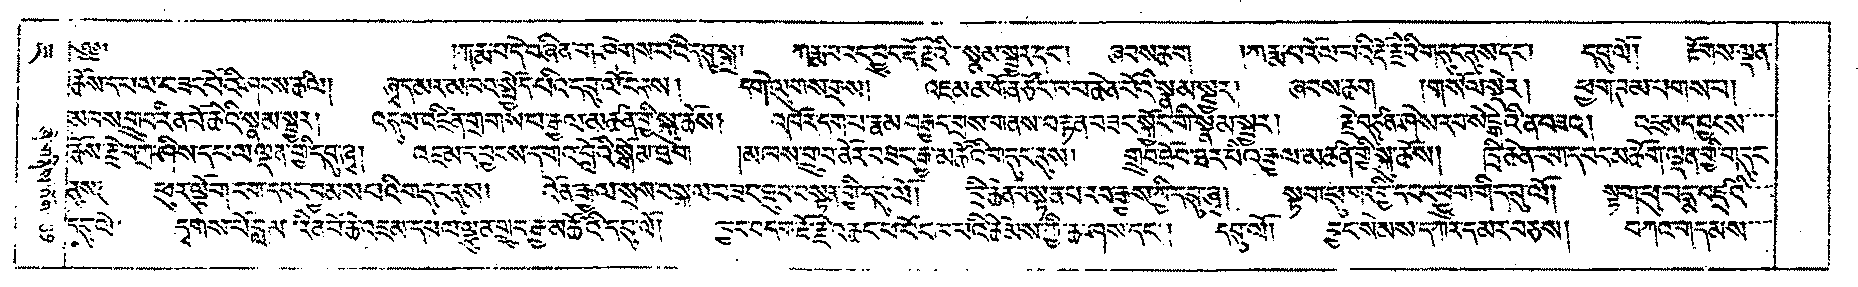༄༅། །ཀརྨ་པ་དེ་བཞིན་གཤེགས་པའི་དབུ་སྐྲ། ཀརྨ་པ་རང་བྱུང་རྡོ་རྗེའི་སྣམ་སྦྱར་དང་། ཞབས་ཆག །ཀརྨ་པ་རོལ་པའི་རྡོ་རྗེའི་གདུང་རུས་དང་། དབུ་ལོ། རྟོགས་ལྡན་
ཆོས་དཔལ་བཟང་པོའི་ཤངས་ཚལ། ཞྭ་དམར་མཁའ་སྤྱོད་པའི་དབུ་ལོ་བཅས། དགེ་ལུགས་གྲས། འཇམ་མགོན་ཙོང་ཁ་པ་ཆེན་པོའི་སྣམ་སྦྱར། ཞབས་ཆག །གསོལ་སྡེར། ཕྱག་ཊམ་པགས་པ།
མཁས་གྲུབ་རིན་པོ་ཆེའི་སྣམ་སྦྱར། འདུལ་འཛིན་གྲགས་པ་རྒྱལ་མཚན་གྱི་སྐུ་ཆོས། འཁོར་དག་པ་རྣམ་བརྒྱད་གྲས་གནས་བརྟན་བཟང་སྐྱོང་གི་སྣམ་སྦྱར། རྗེ་བཙུན་ཤེས་རབ་སེངྒེའི་ན་བཟའ། འཇམ་དབྱངས་
ཆོས་རྗེ་བཀྲ་ཤིས་དཔལ་ལྡན་གྱི་དབུ་ཞྭ། འཇམ་དབྱངས་དགའ་བློའི་སྒོམ་ཐག །མཁས་གྲུབ་ནོར་བཟང་རྒྱ་མཚོའི་གདུང་རུས། གྲུབ་ཐོབ་ཐར་པའི་རྒྱལ་མཚན་གྱི་སྐུ་ཆོས། ཁྲི་ཆེན་ངག་དབང་མཆོག་ལྡན་གྱི་གདུང་
རུས། ཕུར་ལྕོག་ངག་དབང་བྱམས་པའི་གདུང་རུས། འོན་རྒྱལ་སྲས་བསྐལ་བཟང་ཐུབ་བསྟན་གྱི་དབུ་ལོ། ཁྲི་ཆེན་བསྟན་པ་རབ་རྒྱས་ཀྱི་དབུ་ཞྭ། སྟག་ཕུ་གར་གྱི་དབང་ཕྱུག་གི་དབུ་ལོ། སྟག་ཕུ་པདམ་བཛྲའི་
དབུ་ལོ། དྭགས་པོ་བླ་མ་རིན་པོ་ཆེ་འཇམ་དཔལ་ལྷུན་གྲུབ་རྒྱ་མཚོའི་དབུ་ལོ། ཁྱབ་བདག་རྡོ་རྗེ་འཆང་ཕ་བོང་ཁ་པའི་ཚེམས་ཀྱི་ཆ་ཤས་དང་། དབུ་ལོ། བྱང་སེམས་དཀར་དམར་བཅས། བཀའ་གདམས་